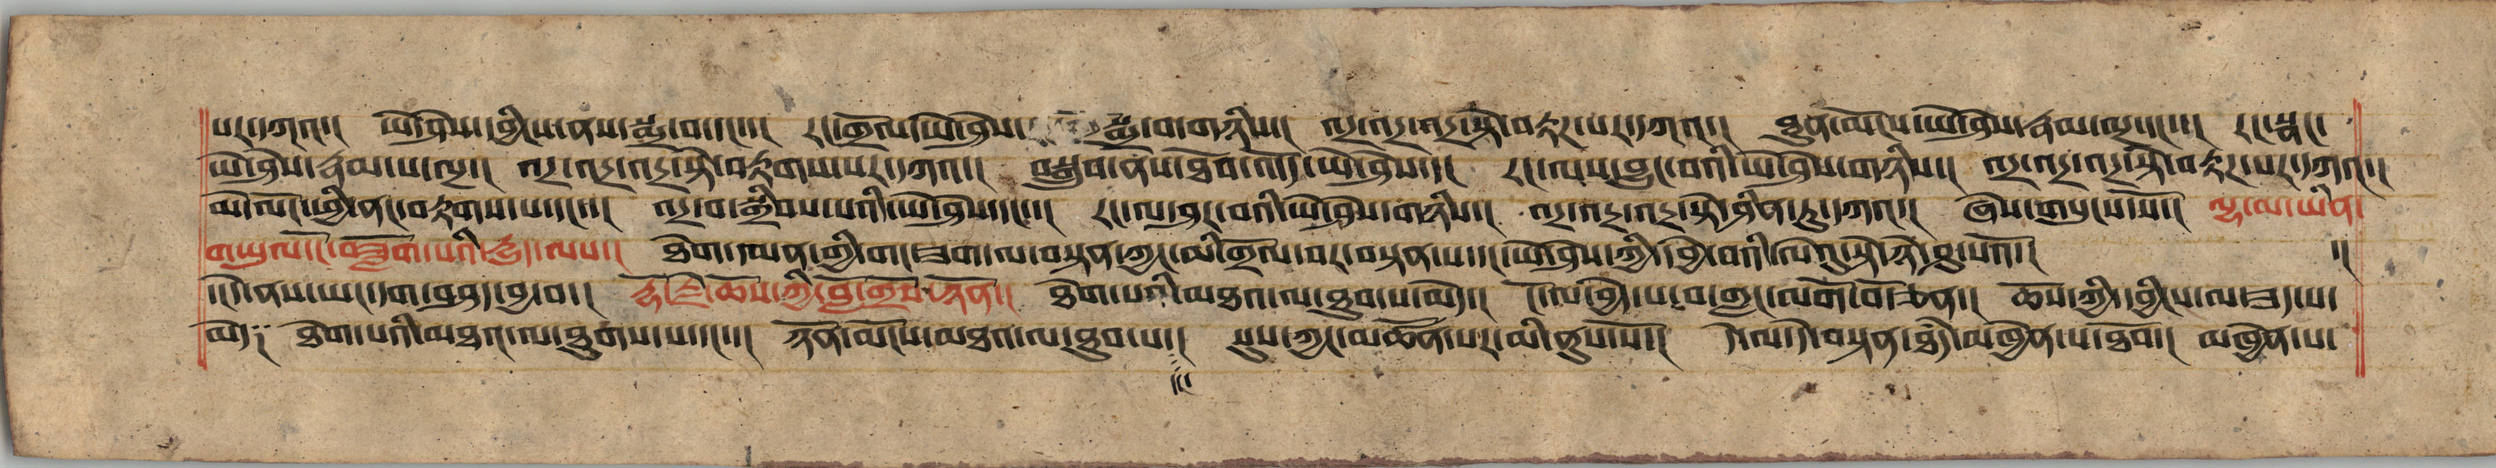པར་དཀའ་། ཡེ་ཤེས་དབྱིངས་ནས་སྨྲ་བ་དང་་། རང་གྲོལ་ཡེ་ཤེས་ སྨྲ་བ་གཉིས་། འདྲ་འདྲ་འདྲ་སྟེ་བརྟཌ་པར་དཀའ་། ཐུན་མོངས་ཡེ་ཤེས་རྣམ་ལྔ་དང་། རང་སྣང་
ཡེ་ཤེས་རྣམ་པ་ལྔ་། འདྲ་འདྲ་འདྲ་སྟེ་བརྟགས་པར་དཀའ་། བསྒྲུབ་ནས་ཐོབ་འདོད་ཡེ་ཤེས་དེ། རང་ལས་བྱུང་བའི་ཡེ་ཤེས་གཉིས་། འདྲ་འདྲ་འདྲ་སྟེ་བརྟཌ་པར་དཀའ་།
མེ་ལོང་ཕྱི་ནང་བརྟགས་པ་དང་་། འདྲ་བ་སྒྲིབས་པའི་ཡེ་ཤེས་དང་་། རང་ལ་ཤར་བའི་ཡེ་ཤེས་གཉིས་། འདྲ་འདྲ་འདྲ་སྟེ་ཤིན་ཏུ་དཀའ་། ཞེས་གསུངས་སོ་། ལྷ་མ་ཡིན་
གཡུལ་ངོ་བཟློག་པོའི་དྱུད་ལས་། ཐེག་དམན་གྱི་གང་ཟག་ལ་བསྟན་ཀྱང་མི་གྲོལ་བར་བསྟན་པ་དང་ཡེ་ཤེས་ཀྱི་དབྱེ་བའི་ལེའུ་སྟེ་ཉེ་ཤུ་པའོ་།
་།དེ་ནས་ཡང་དག་བཤད་བྱ་བ་། རྡོ་རྗེ་ཆོས་ཀྱི་བློ་གྲོས་ཉོན་། ཐེག་པའི་མཐའ་ལ་ཐུབ་པ་མེད་། ངོ་ལ་བྱེད་པ་བ་གླང་མགོ་བོ་ཅན་། ཆོས་ཀྱི་དབྱིངས་ལ་ཟད་པ་
མེད༑ ཐེག་པའི་མཐའ་ལ་ཐུགས་པ་དང་་། ཉོན་མོངས་མཐའ་ལ་ཐུབ་པ་། སུས་ཀྱང་མཚོན་པར་མི་ནུས་སོ་། དེ་ལ་དེ་བསྟན་ཐཾད་མཁྱེན་པ་ཐོབ་། མཁྱེན་པ་